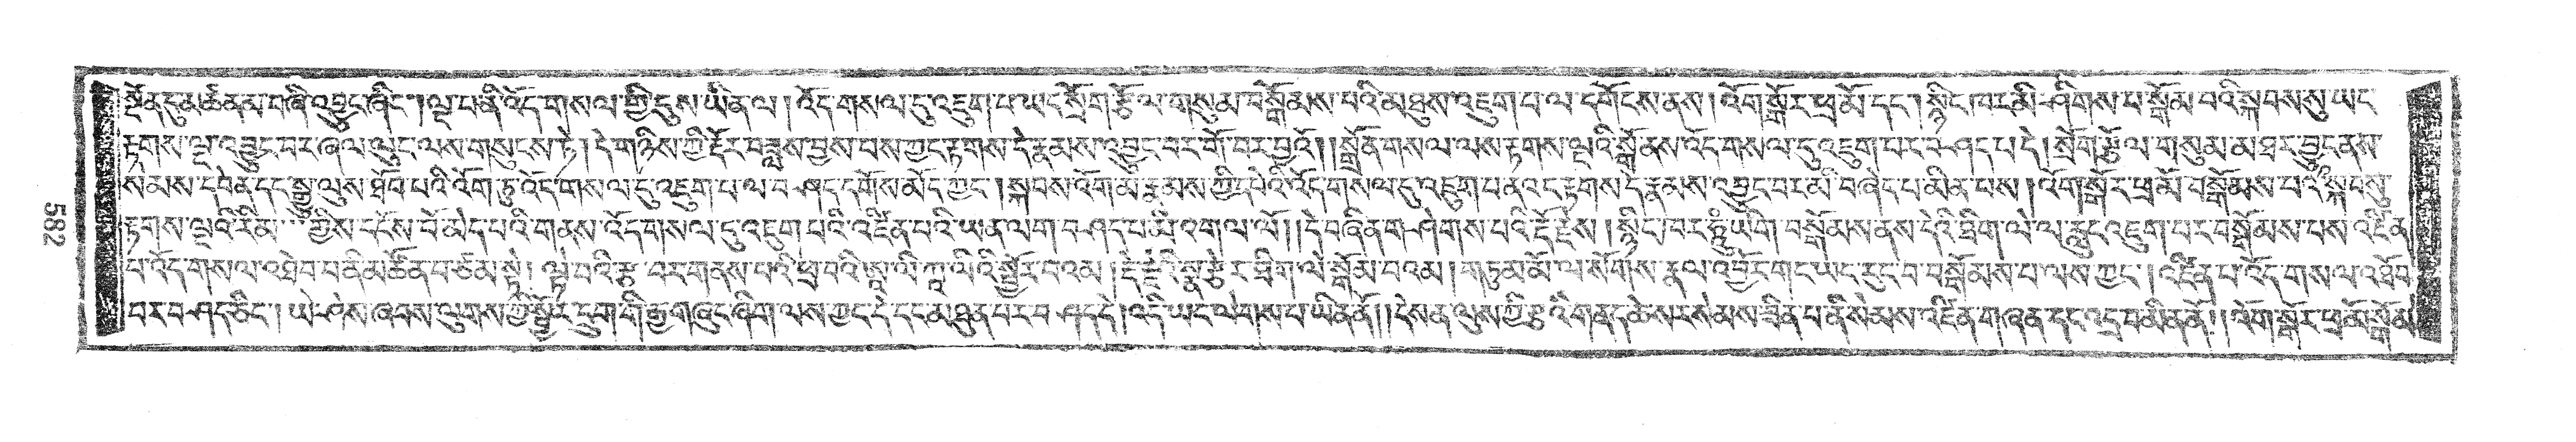སྔོན་དུ་མཚན་མ་བཞི་འབྱུང་ཞིང་།ལྔ་པ་ནི་འོད་གསལ་གྱི་དུས་ཡིན་ལ། འོད་གསལ་དུ་འཇུག་པ་ཡང་སྲོག་རྩོལ་གསུམ་བསྒོམས་པའི་མཐུས་འཇུག་པ་ལ་དགོངས་ནས། འོག་སྒོར་ཕྲ་མོ་དང་། སྙིང་ཁར་མི་ཤིགས་པ་སྒོམ་པའི་སྐབས་སུ་ཡང་
རྟགས་ལྔ་འབྱུང་བར་ཞལ་ལུང་ལས་གསུངས་ཏེ། དེ་གཉིས་ཀྱི་རྡོར་བཟླས་བྱས་པས་ཀྱང་རྟགས་དེ་རྣམས་འབྱུང་བར་གོ་བར་བྱའོ། །སྒྲོན་གསལ་ལས་རྟགས་ལྔའི་སྒོ་ནས་འོད་གསལ་དུ་འཇུག་པར་བཤད་པ་དེ། སྲོག་རྩོལ་གསུམ་མཐར་བྱུང་ནས་
སེམས་དབན་དང་སྒྱུ་ལུས་ཐོབ་པའི་འོག་ཏུ་འོད་གསལ་དུ་འཇུག་པ་ལ་བཤད་དགོས་མོད་ཀྱང་། སྐབས་འོག་མ་རྣམས་ཀྱི་དཔེའི་འོད་གསལ་དུ་འཇུག་པ་ནའང་རྟགས་དེ་རྣམས་འབྱུང་བར་མི་བཞེད་པ་མིན་པས། འོག་སྒོར་ཕྲ་མོ་བསྒོམས་པའི་སྐབས་སུ་
རྟགས་ལྔའི་རིམ་གྱིས་དངོས་པོ་མེད་པའི་གནས་འོད་གསལ་དུ་འཇུག་པའི་འཛིན་པའི་ཡན་ལག་བཤད་པ་མི་འགལ་ལོ། །དེ་བཞིན་གཤེགས་པའི་རྡོ་རྗེས། སྙིང་ཁར་ཧཱུཾ་ཡིག་བསྒོམས་ནས་དེའི་ཐིག་ལེ་ལ་རླུང་འཇུག་པར་བསྒོམས་པས་འཛིན་
པ་འོད་གསལ་འཐེབ་པ་ནི་མཚོན་པ་ཙམ་སྟེ། ལྟེ་བའི་རྩ་བར་གནས་པའི་ཕྲ་བའི་ཨཱ་ལི་ཀཱ་ལིའི་སྦྱོར་པའམ། རྡོ་རྗེའི་སྣ་རྩེར་ཐིག་ལེ་སྒོམ་པའམ། གཏུམ་མོ་ལ་སོགས་རྣལ་འབྱོར་གང་ཡང་རུང་བ་བསྒོམས་པ་ལས་ཀྱང་། འཛིན་པ་འོད་གསལ་འཐོབ་པར་བཤད་ཅིང་། ཡེ་ཤེས་ཞབས་ལུགས་ཀྱི་སྦྱོར་དྲུག་གི་རྒྱ་གཞུང་ཞིག་ལས་ཀྱང་དེ་དང་མཐུན་པར་བཤད་དེ། འདི་ཡང་ལེགས་པ་ཡིན་ནོ། །དས་ན་ལུས་ཀྱི་རྩའི་གནད་ཆེ་སར་སེམས་ཟིན་པ་ནི་སེམས་འཛིན་གཞན་དང་འདྲ་བ་མིན་ནོ། །འོག་སྒོར་ཕྲ་མོ་སྒོམ་